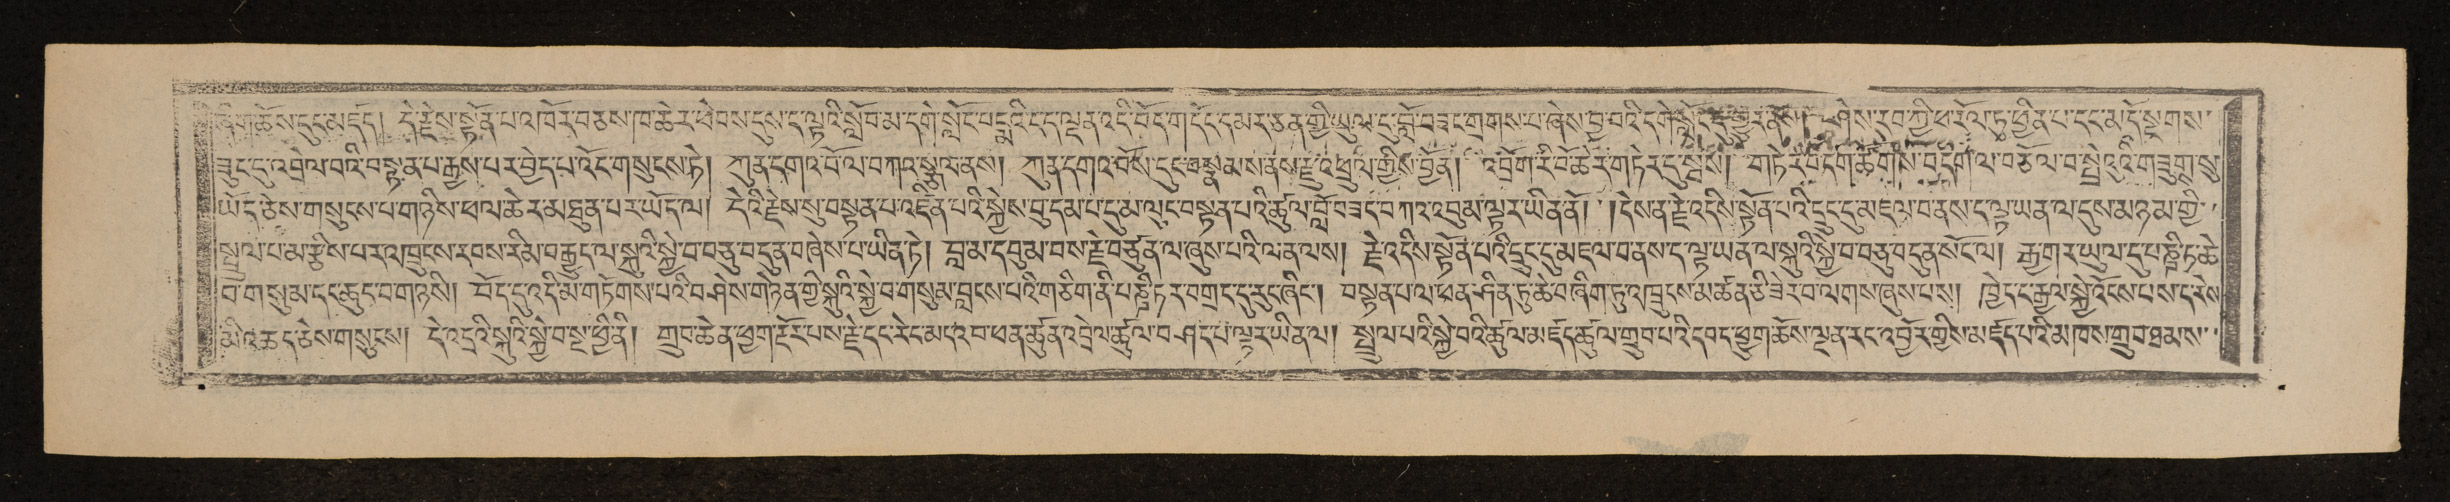ཞིག་ཆོས་དུང་མཛད། དེ་རྗེས་སྟོན་པ་འཁོར་བཅས་ཁ་ཆེར་ཕེབས་དུས་ད་ལྟའི་སློབ་མ་དགེ་སློང་པདམའི་ངད་ལྡན་འདི་བོད་གདོང་དམར་ཅན་གྱི་ཡུལ་དུ་བློ་བཟང་གྲགས་པ་ཞེས་བྱ་བའི་དགེ་སློང་དུ་གྱུར་ནས། ཤེས་རབ་ཀྱི་ཕ་རོལ་ཏུ་ཕྱིན་པ་དང་མདོ་སྔགས་
ཟུང་དུ་འབྲེལ་བའི་བསྟན་པ་རྒྱས་བར་བྱེད་པ་འོང་གསུངས་ཏེ། ཀུན་དགའ་བོ་ལ་བཀའ་སྩལ་ནས། ཀུན་དགའ་བོས་དུང་བསྣམས་ནས་རྫུ་འཕྲུལ་གྱིས་བྱོན། འབྲོག་རི་བོ་ཆེར་གཏེར་དུ་སྤས། གཏེར་བདག་ཚོགས་བདག་ལ་བཅོལ་བ་སྤྲེའུའི་གཟུགས་སུ་
ཡོད་ཅེས་གསུངས་པ་གཉིས་ཕལ་ཆེར་མཐུན་པར་ཡོད་ལ། དེའི་རྗེས་སུ་བསྟན་པའི་འཛིན་པའི་སྐྱེས་བུ་དམ་པ་དུ་མ་ལུང་བསྟན་པའི་ཚུལ་བློ་བཟང་བཀའ་འབུམ་ལྟར་ཡིན་ནོ། །དེས་ན་རྗེ་འདིས་སྟོན་པའི་དྲུང་དུ་མཇལ་བ་ནས་ད་ལྟ་ཡན་ལ་དུས་མཉམ་གྱི་
སྤྲུལ་བ་མ་རྩིས་པར་འཁྲུངས་རབས་རིས་བརྒྱུད་ལ་སྐུའི་སྐྱེ་བ་བཅུ་བདུན་བཞེས་པ་ཡིན་ཏེ། བླ་མ་དབུ་མ་པས་རྗེ་བཙུན་ལ་ཞུས་པའི་ལན་ལས། རྗེ་འདིས་སྟོན་པའི་དྲུང་དུ་མཇལ་བ་ནས་ད་ལྟ་ཡན་ལ་སྐུའི་སྐྱེ་བ་བཅུ་བདུན་སོང་ལ། རྒྱ་གར་ཡུལ་དུ་པཎྜི་ཏ་ཆེ་
བ་གསུམ་དང་ཆུང་བ་གཉིས། བོད་དུ་འདི་མ་གཏོགས་པའི་བཤེས་གཉེན་གྱི་སྐུའི་སྐྱེ་བ་གསུམ་བླངས་པའི་གཅིག་ནི་པཎྜི་ཏར་བགྲང་དུ་རུང་ཞིང་། བསྟན་པ་ལ་ཕན་ཤིན་ཏུ་ཆེ་བ་ཞིག་ཏུ་འཁྲུངས་མཚན་ཅི་ཟེར་བ་ལགས་ཞུས་པས། ཁྱེད་ང་རྒྱལ་སྐྱེ་འོངས་པས་ད་རེས་
མི་འཆད་ཅེས་གསུངས། དེ་འདྲའི་སྐུའི་སྐྱེ་བ་སྔ་ཕྱི་ནི། གྲུབ་ཆེན་ཕྱག་རྡོར་བས་རྗེ་དང་རེད་མདའ་བ་ཕན་ཚུན་འཕྲེལ་ཚུལ་བཤད་པ་ལྟར་ཡིན་ལ། སྤྲུལ་པའི་སྐྱེ་བའི་ཚུལ་མཛད་ཚུལ་གྲུབ་པའི་དབང་ཕྱུག་ཆོས་ལྡན་རབ་འབྱོར་གྱིས་མཛད་པའི་མཁས་གྲུབ་ཐམས་